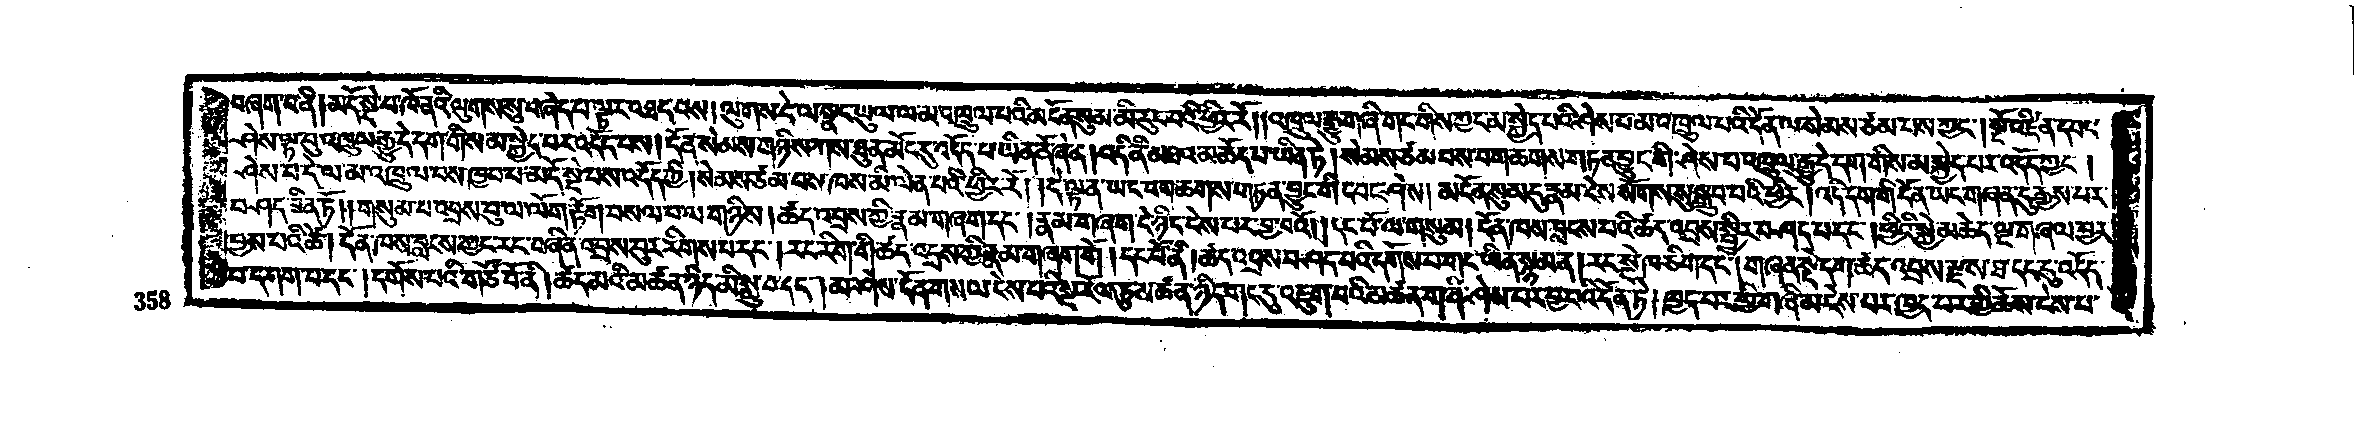བཞག་པ་ནི། མདོ་སྡེ་བ་ཁོ་ནའི་ལུགས་སུ་བཞེད་པ་ལྟར་འཐད་པས། ལུགས་དེ་ལ་སྣང་ཡུལ་ལ་མ་འཁྲུལ་པའི་མངོན་སུམ་མི་རུང་བའི་ཕྱིར་རོ། །འཁྲུལ་རྒྱུ་གཞི་གང་གིས་ཀྱང་མ་སྐྱེད་པའི་ཤེས་པ་མ་འཁྲུལ་པའི་དོན་ལ་སེམས་ཙམ་པས་ཀྱང་། སྔོ་འཛིན་དབང་
ཤེས་ལྟ་བུ་འཁྲུལ་རྒྱུ་དེ་དག་གིས་མ་སྐྱེད་པར་འདོད་པས། དོན་སེམས་གཉིས་ཀས་ཐུན་མོང་དུ་འདོད་པ་ཡིན་ནོ་ཞེ་ན། འདི་ནི་མཐའ་མཆོད་པ་ཡིན་ཏེ། སེམས་ཙམ་བས་བག་ཆགས་གཏན་བྱུང་གི་ཤེས་པ་འཁྲུལ་རྒྱུ་དེ་དག་གིས་མ་སྐྱེད་པར་འདོད་ཀྱང་།
ཤས་པ་དེ་ལ་མ་འཁྲུལ་པས་ཁྱབ་པ་མདོ་སྡེ་པས་འདོད་ཀྱི། སེམས་ཙམ་པས་ཁས་མི་ལེན་པའི་ཕྱིར་རོ། །དེ་ལྟ་ན་ཡང་བག་ཆགས་གཏན་བྱུང་གི་དབང་ཤེས། མངོན་སུམ་དུ་རྣམ་ངེས་སོགས་སུ་སྒྲུབ་པའི་ཕྱིར། འདི་དག་གི་དོན་ཡང་གཞན་དུ་རྒྱས་པར་
བཤད་ཟིན་ཏོ། །གསུམ་པ་འབྲས་བུ་ལ་ལོག་རྟོག་བསལ་བ་ལ་གཉིས། ཚད་འབྲས་ཀྱི་རྣམ་གཞག་དང་། རྣམ་གཞག་དེ་ཉིད་ངེས་པར་བྱ་བའོ། །དང་པོ་ལ་གསུམ། དོན་ཁས་བླངས་པའི་ཚད་འབྲས་སྤྱིར་བཤད་པ་དང་། ཕྱིའི་སྐྱེ་མཆེད་ལྔ་གཞལ་བྱར་
བྱས་པའི་ཚེ། དོན་ཁས་བླངས་ཀྱང་རང་བཞིན་འབྲས་བུར་རིགས་པ་དང་། རང་རིག་གི་ཚད་འདྲས་ཀྱི་རྣམ་གཞག་གོ །དང་པོ་ནི། ཚད་འབྲས་བཤད་པའི་དགོས་པ་གང་ཡིན་སྙམ་ན། རང་སྡེ་ཁ་ཅིག་དང་། གཞན་སྡེ་དག་ཚད་འབྲས་རྫས་ཐ་དད་དུ་འདོད་
པ་དགག་པ་དང་། དགོས་པའི་གཙོ་བོ་ནི། ཚད་མའི་མཚན་ཉིད་མི་སླུ་བ་དང་། མ་ཤེས་དོན་གསལ་ངེས་པའི་སྔ་རོལ་ཏུ་མཚན་ཉིད་གང་དུ་འཇུག་པའི་མཚན་གཞི་ཤེས་པར་བྱ་བའི་དོན་ཏེ། ཁྱད་པར་གྱི་གཞི་མ་ངེས་པར་ཁྱད་པར་གྱི་ཆོས་ངེས་པ་